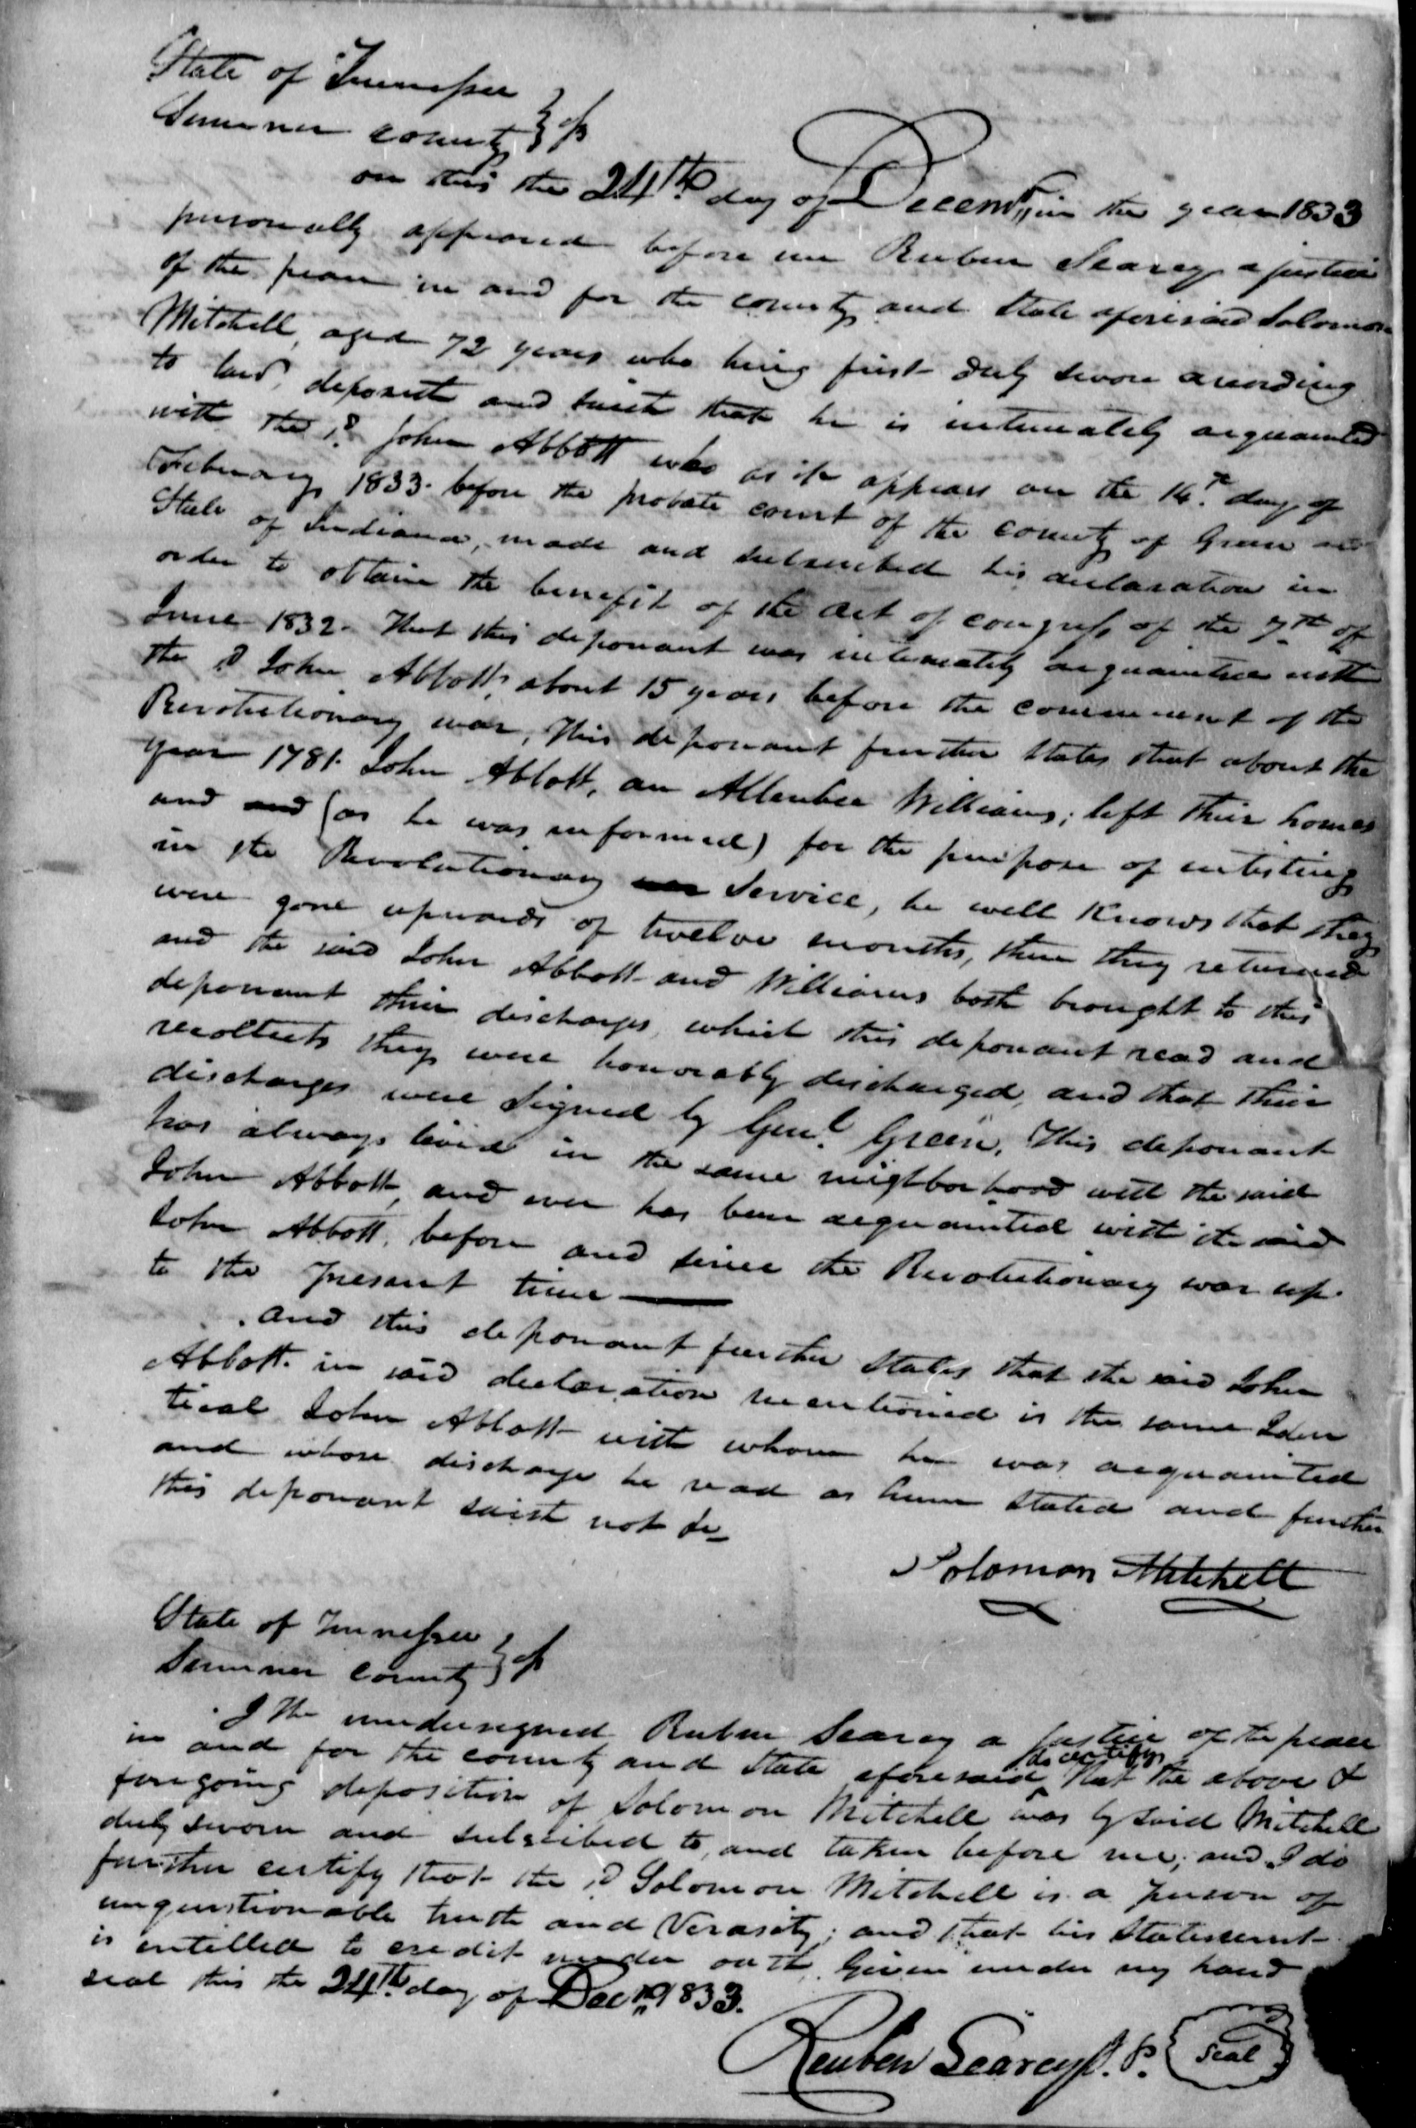State of Tennessee
Sumner County
on this the 24th day of December in the year 1833
personally appeared before me Reuben Searcy a justice
of the peace in and for the County and State aforesaid Solomon
Mitchell, aged 72 years who being first duly sworn according to
law deposeth and saith that he is intimately acquainted with
the John Abbott did appear on the 4th day of
February
1833 before the probate court of the County of Greene State of Indiana, made and subscribed his declaration in
order to obtain the benefit of the act of Congress of the 7th of
June 1832. That this deponent was intimately acquainted with
the John Abbott about 15 years before the commencement of the
Revolutionary war, this deponent further states that about the
year 1781. John Abbott, an Allenbee Williams, left their homes
and went (as he was informed) for the purpose of enlisting
in the Revolutionary service, he well knows that they
were gone upwards of twelve months, then they returned
and the said John Abbott and Williams both brought to the
deponent their discharges which this deponent read and ┃
recollects they were honorably discharged, and that their
discharges were signed by Genl. Green. This deponent
has always lived in the same neighborhood well the said
John Abbott, and ever has been acquainted with its said
John Abbott before and since the Revolutionary war up to the present time
and this deponent further states that the said John
Abbott in said declaration mentioned is the same initial
John Abbott with whom he was acquainted
and whose discharge he read as here stated and further
this deponent saith not of
Solomon Mitchell

State of Tennessee
Sumner County
I the undersigned Reuben Searcy a Justice of the peace
and for the County and State aforesaid do certify that the above &
foregoing deposition of Solomon Mitchell was by said Mitchell duly
Sworn and subscribed to, and taken before me; and I do
further certify that the said Solomon Mitchell is a person of
unquestionable truth and veracity; and that his statement is
entitled to credit under oath Given under my hand
seal this the 24th day of Dec. 1833
Reuben Searcy ℗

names: Solomon Mitchell, Solomon Mitchell, John Abbott, John Abbott, John Abbott, Ruben Searcy, John Abbott, Williams, Mitchell, Green, John Abbott, Reuben Searcy, Allenbee Williams, John Abbott, John Abbott, Solomon Mitchell, Solomon Mitchell, John Abbott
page: 26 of 35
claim: survivor's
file: S. 32089, John Abbott, Continental N. C.